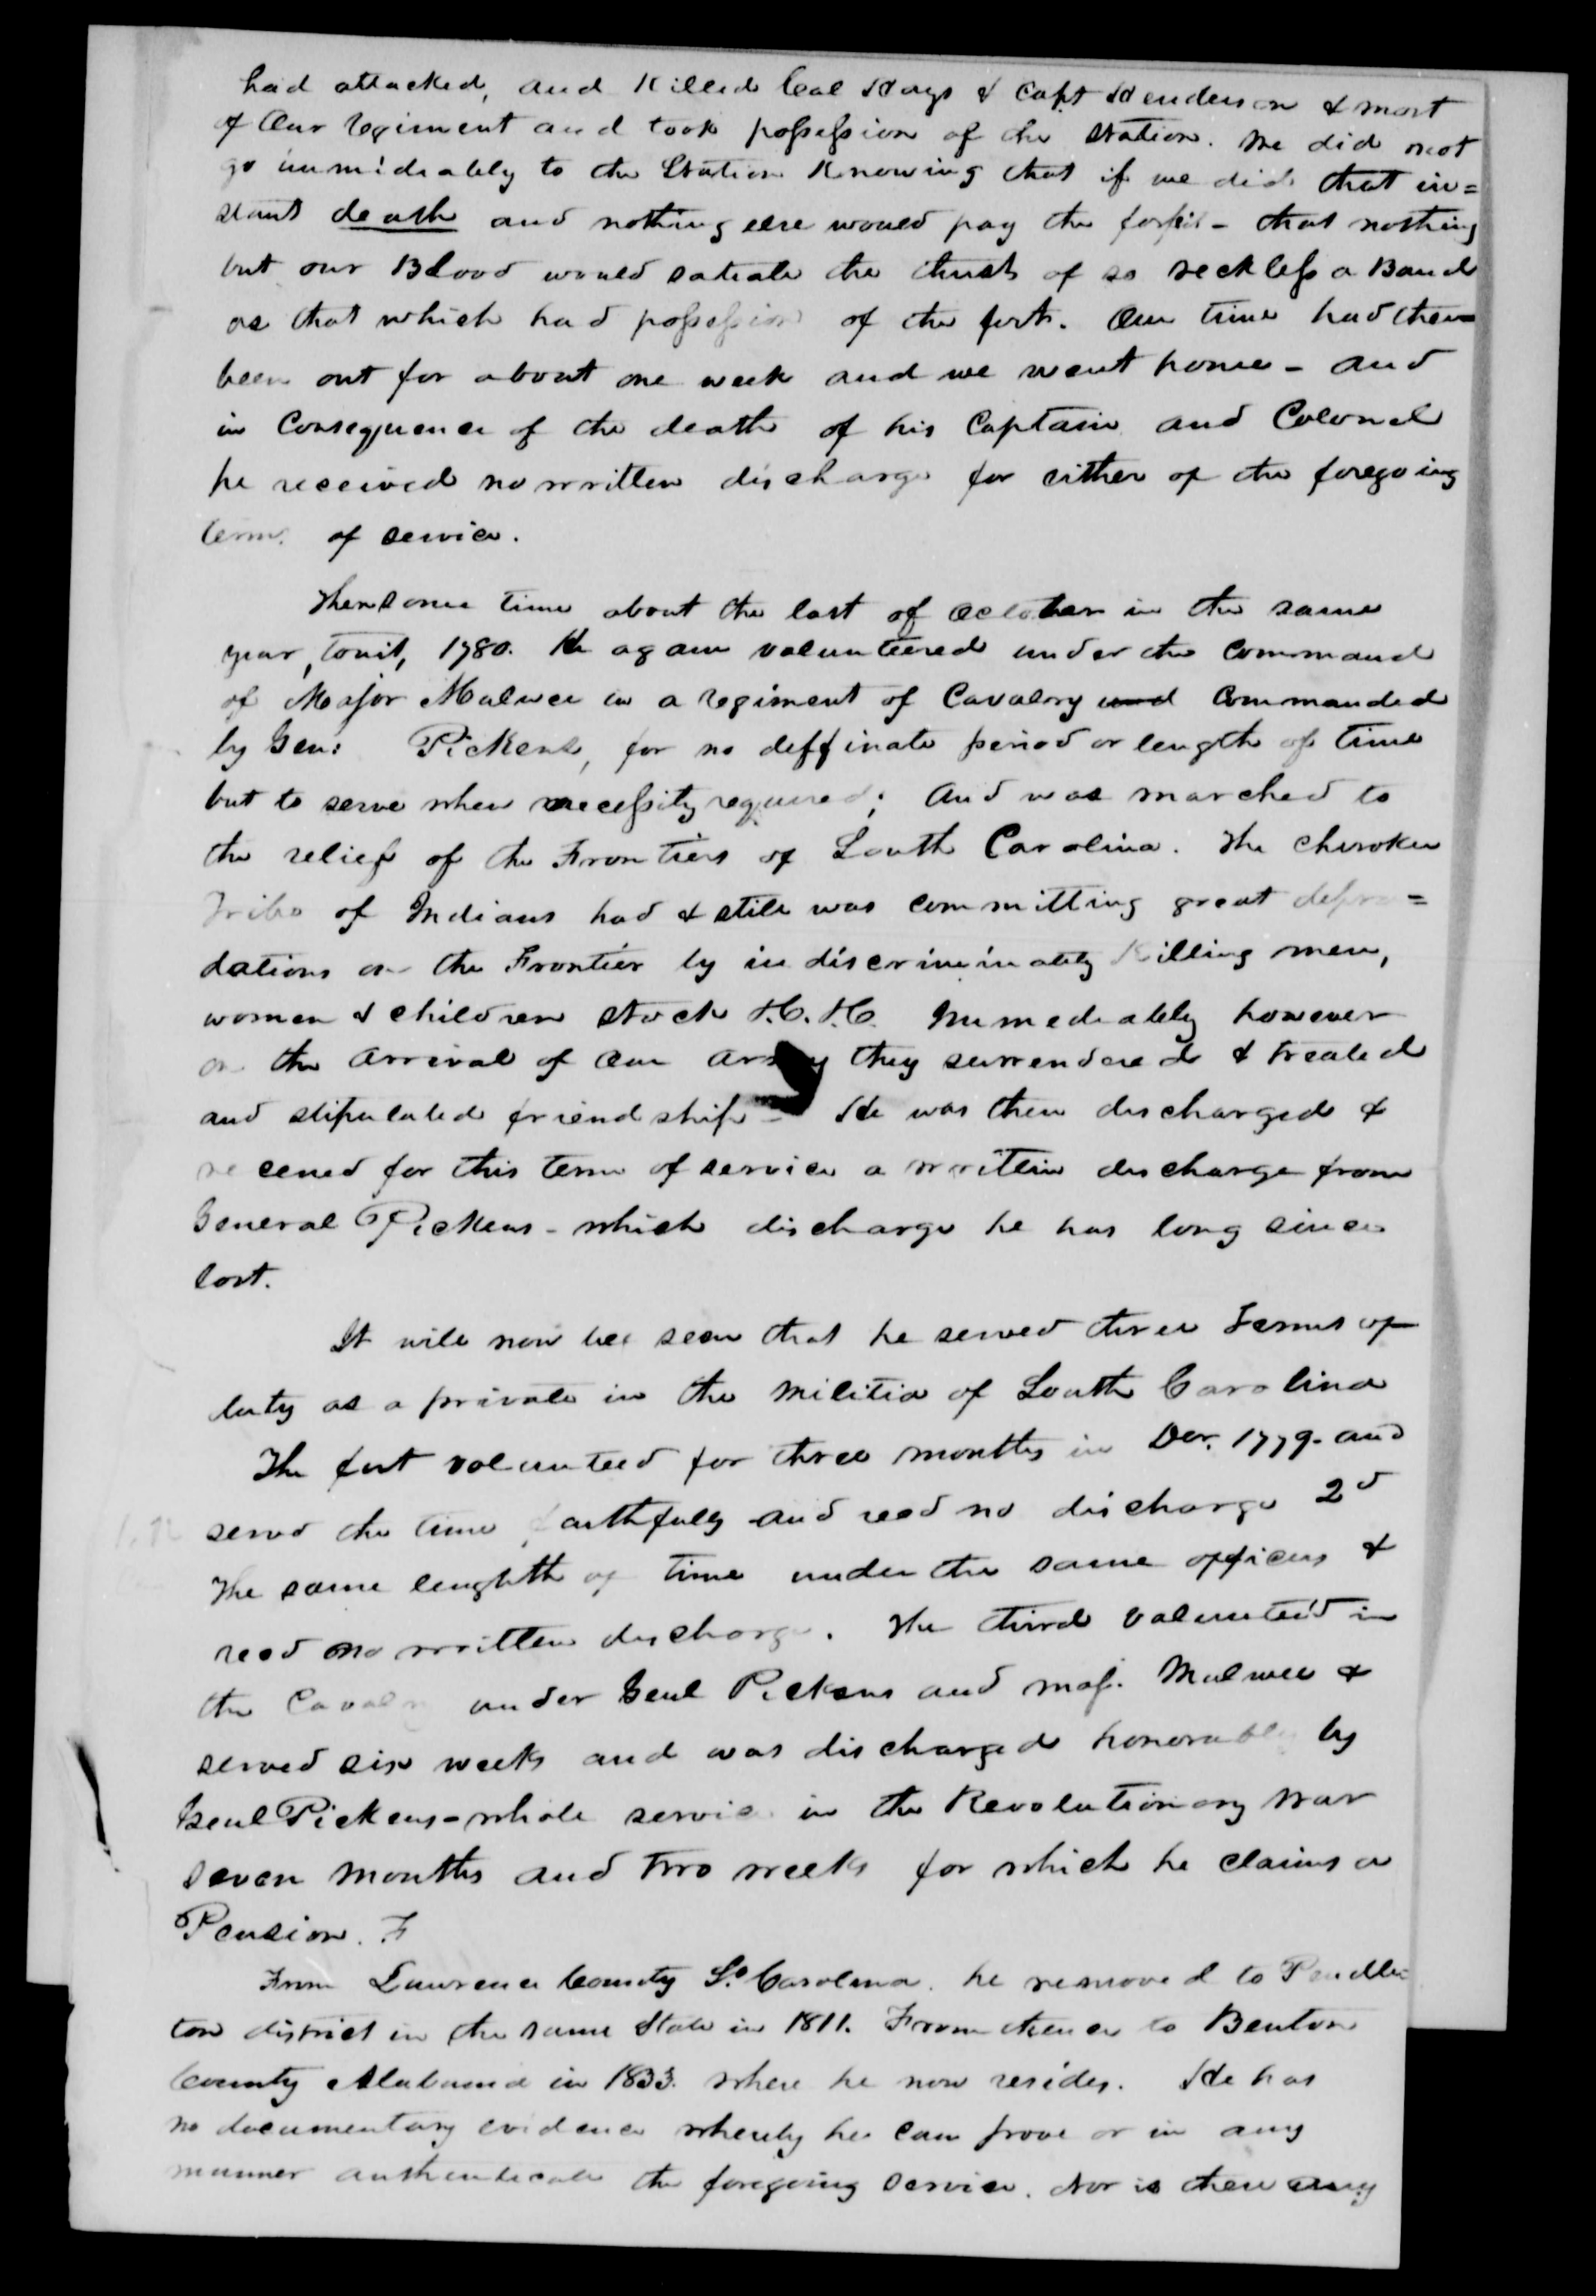had attacked, and killed Col Hays & Capt Henderson & most of Our Regiment and took possession of the station.  We did not go immideately to the station knowing that if we did, that instant death and nothing we would pay the forfeit - that nothing but our Blood would satiate the thirst of so reckless a Band ors that which had possession of the fort.  Our time had then been out for about one week and we went home - and in consequence of the death of his Captain and Colonel he received no written discharge for either of the foregoing term of service.
    Then some time about the last of October in the same year, towit, 1780.  He again volunteered under the command of Major Malence in a regiment of cavalry and commanded by Gen. Pickens, for no deffinate period or length of time but to serve when necessity required; and was marched to the relief of the Frontiers of South Carolina.  The Cherokees Tribe of Indians had & still was committing great depredations on the Frontier by in discriminately killing men, women, & children stock &C. &C.  Immediately however on the arrival of our army they surrendered & treated and stipulated friendships - He was then discharged & received for this term of service a written discharge from General Pickens - which discharge he has long since lost.
    It will now be seen that he served three Terms of duty as a private in the militia of South Carolina.
  He first volunteerd for three months in Der 1779 and served the time faithfully and recd no discharge 2d  The same length of time under the same officers & recd no writtne discharge.  The third volunteerd in the cavalry under Genl Pickens and Maj. Malwell & served six weeks and was discharged honorably by Genl Pickens - whole service in the Revolutionary War seven months and two weeks for which he claims a Pension.
   From Lawrence County So Carolina he removed to Pendleton district in the same State in 1811.  From thence to Benton County Alabama in 1835 where he now resides.  He has no documentary evidence whereby he can prove or in any manner authenticate the foregoing service.  Nor is there any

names: [BLANK] Malwee; [BLANK] Henderson; [BLANK] Pickens; [BLANK] Hays; [BLANK] Maxwell; [BLANK] Pickens; [BLANK] Pickens; [BLANK] Pickens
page: 6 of 17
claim: survivor's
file: S. 11401, for James Simpson, South Carolina